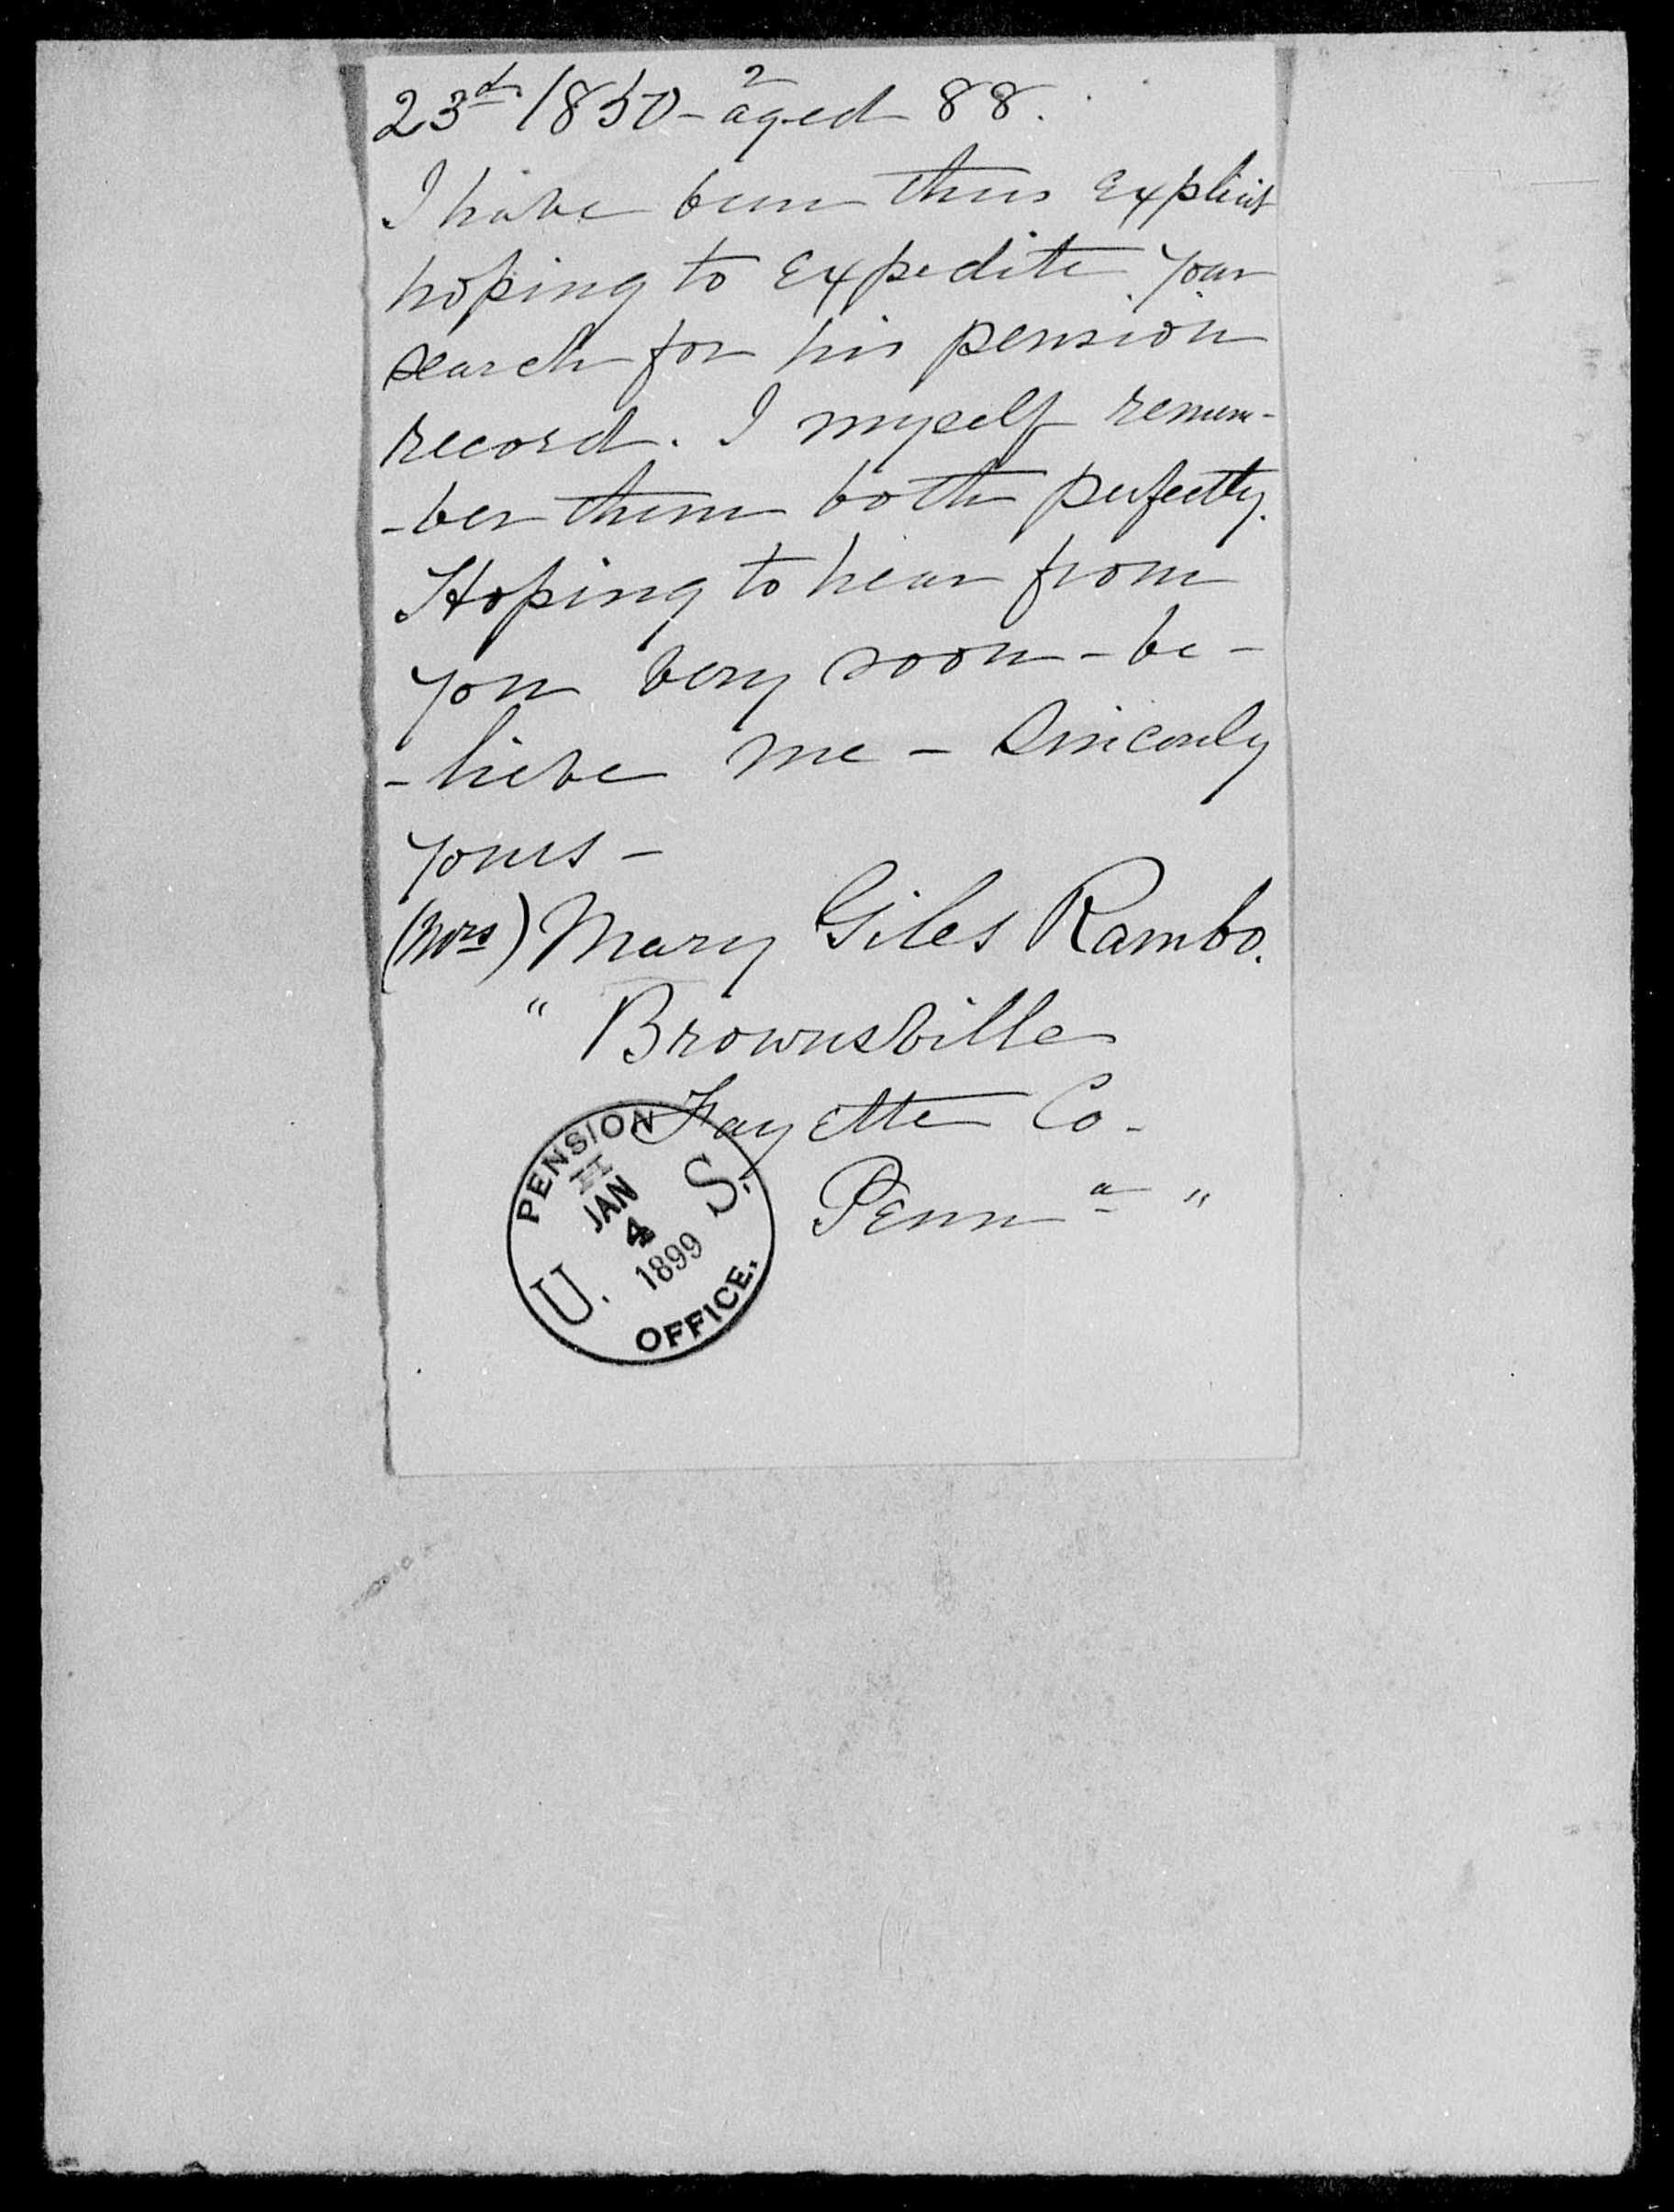["2" written at top of page, likely page number]
23rd 1850 -- aged 88.
I have been this explicity hoping to expedite your search for his pension record. I myself remem-ber them both perfectly. Hoping to hear from you very soon - be-lieve me - sincerely yours--
(Mrs) Mary Giles Rambo
"Brownsville
Fayette Co.
Penn a "

[STAMP: "U.S. PENSION OFFICE H JAN 4 1899"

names: Mary Giles Rambo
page: 26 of 55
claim: widow's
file: W. 19503, Samuel Giles, Conti. Mass. New York